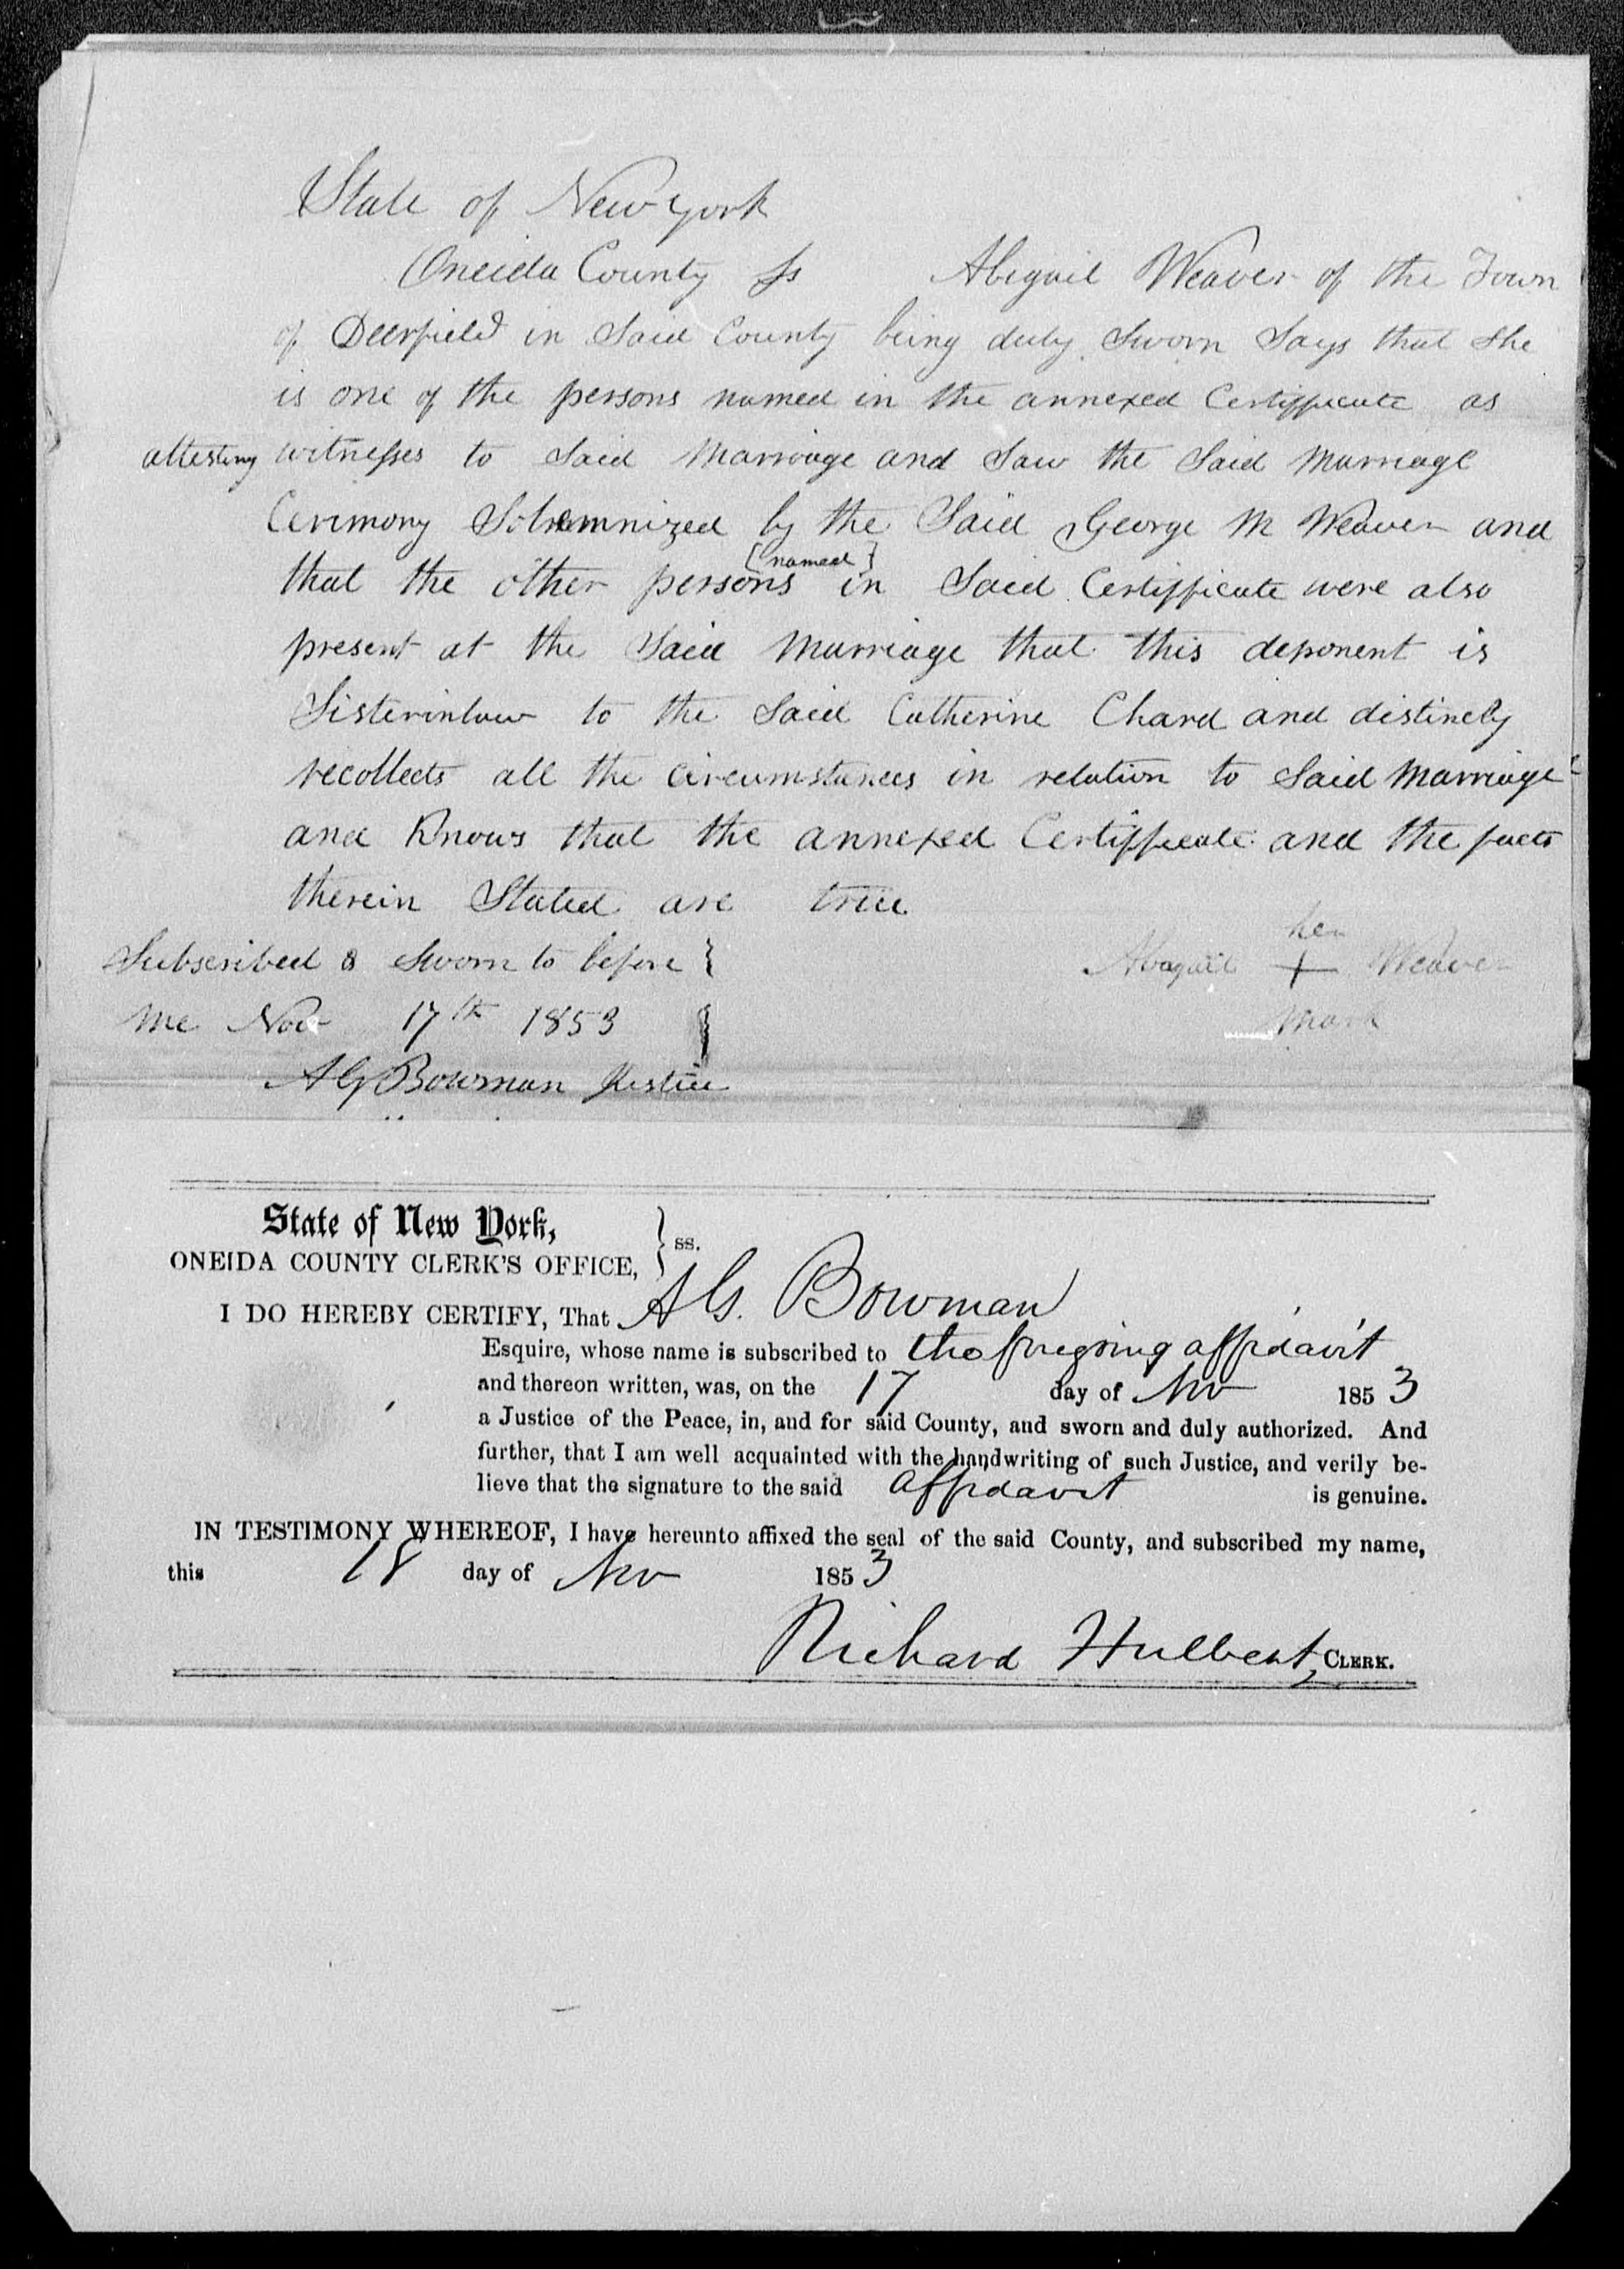State of New York 
Oneida County ss 
Abigail Weaver of the Town of Deerfield in Said County being duly Sworn Says that She is one of the persons named in the annexed Certificate as attesting witnesses to Said Marriage and Saw the Said Marriage Ceremony Solemnized by the Said George M Weaver and that the other {named} persons in said Certifficate [sic] were also present at the Said Marriage, that this deponent is Sister-in-law to the said Catherine Chard and distincly [sic] recollects all the circumstances in relation to Said Marriage and Knows that the annexed Certificate and the facts therein Stated are true
Abigail (X her mark) Weaver 
Subscribed & sworn to before}
 me Nov 17th 1853}
[Signed] A G Bowman Justice 

State of New York,} 
ONEIDA COUNTY CLERK'S OFFICE,} ss. 
I DO HEREBY CERTIFY, That A. G. Bowman Esquire, whose name is subscribed to the foregoing affidavit and thereon written, was, on the 17 day of Nov 1853 a Justice of the Peace, in and for said County, and sworn and duly authorized. And further, that I am well acquainted with the handwriting of such Justice, and verily believe that the signature to the said Affidavit is genuine. 
IN TESTIMONY WHEREOF, I have hereunto affixed the seal of the said County, and subscribed my name, this 18 day of Nov 1853.
[SEAL]
[Signed] Richard Hulbert, Clerk.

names: George M Weaver, A G Bowman, Catherine Chard, Richard Hulbert, A G Bowman, Abigail Weaver, Abagail Weaver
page: 20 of 47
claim: widow's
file: W. 10,602, Barce Chard, New York.